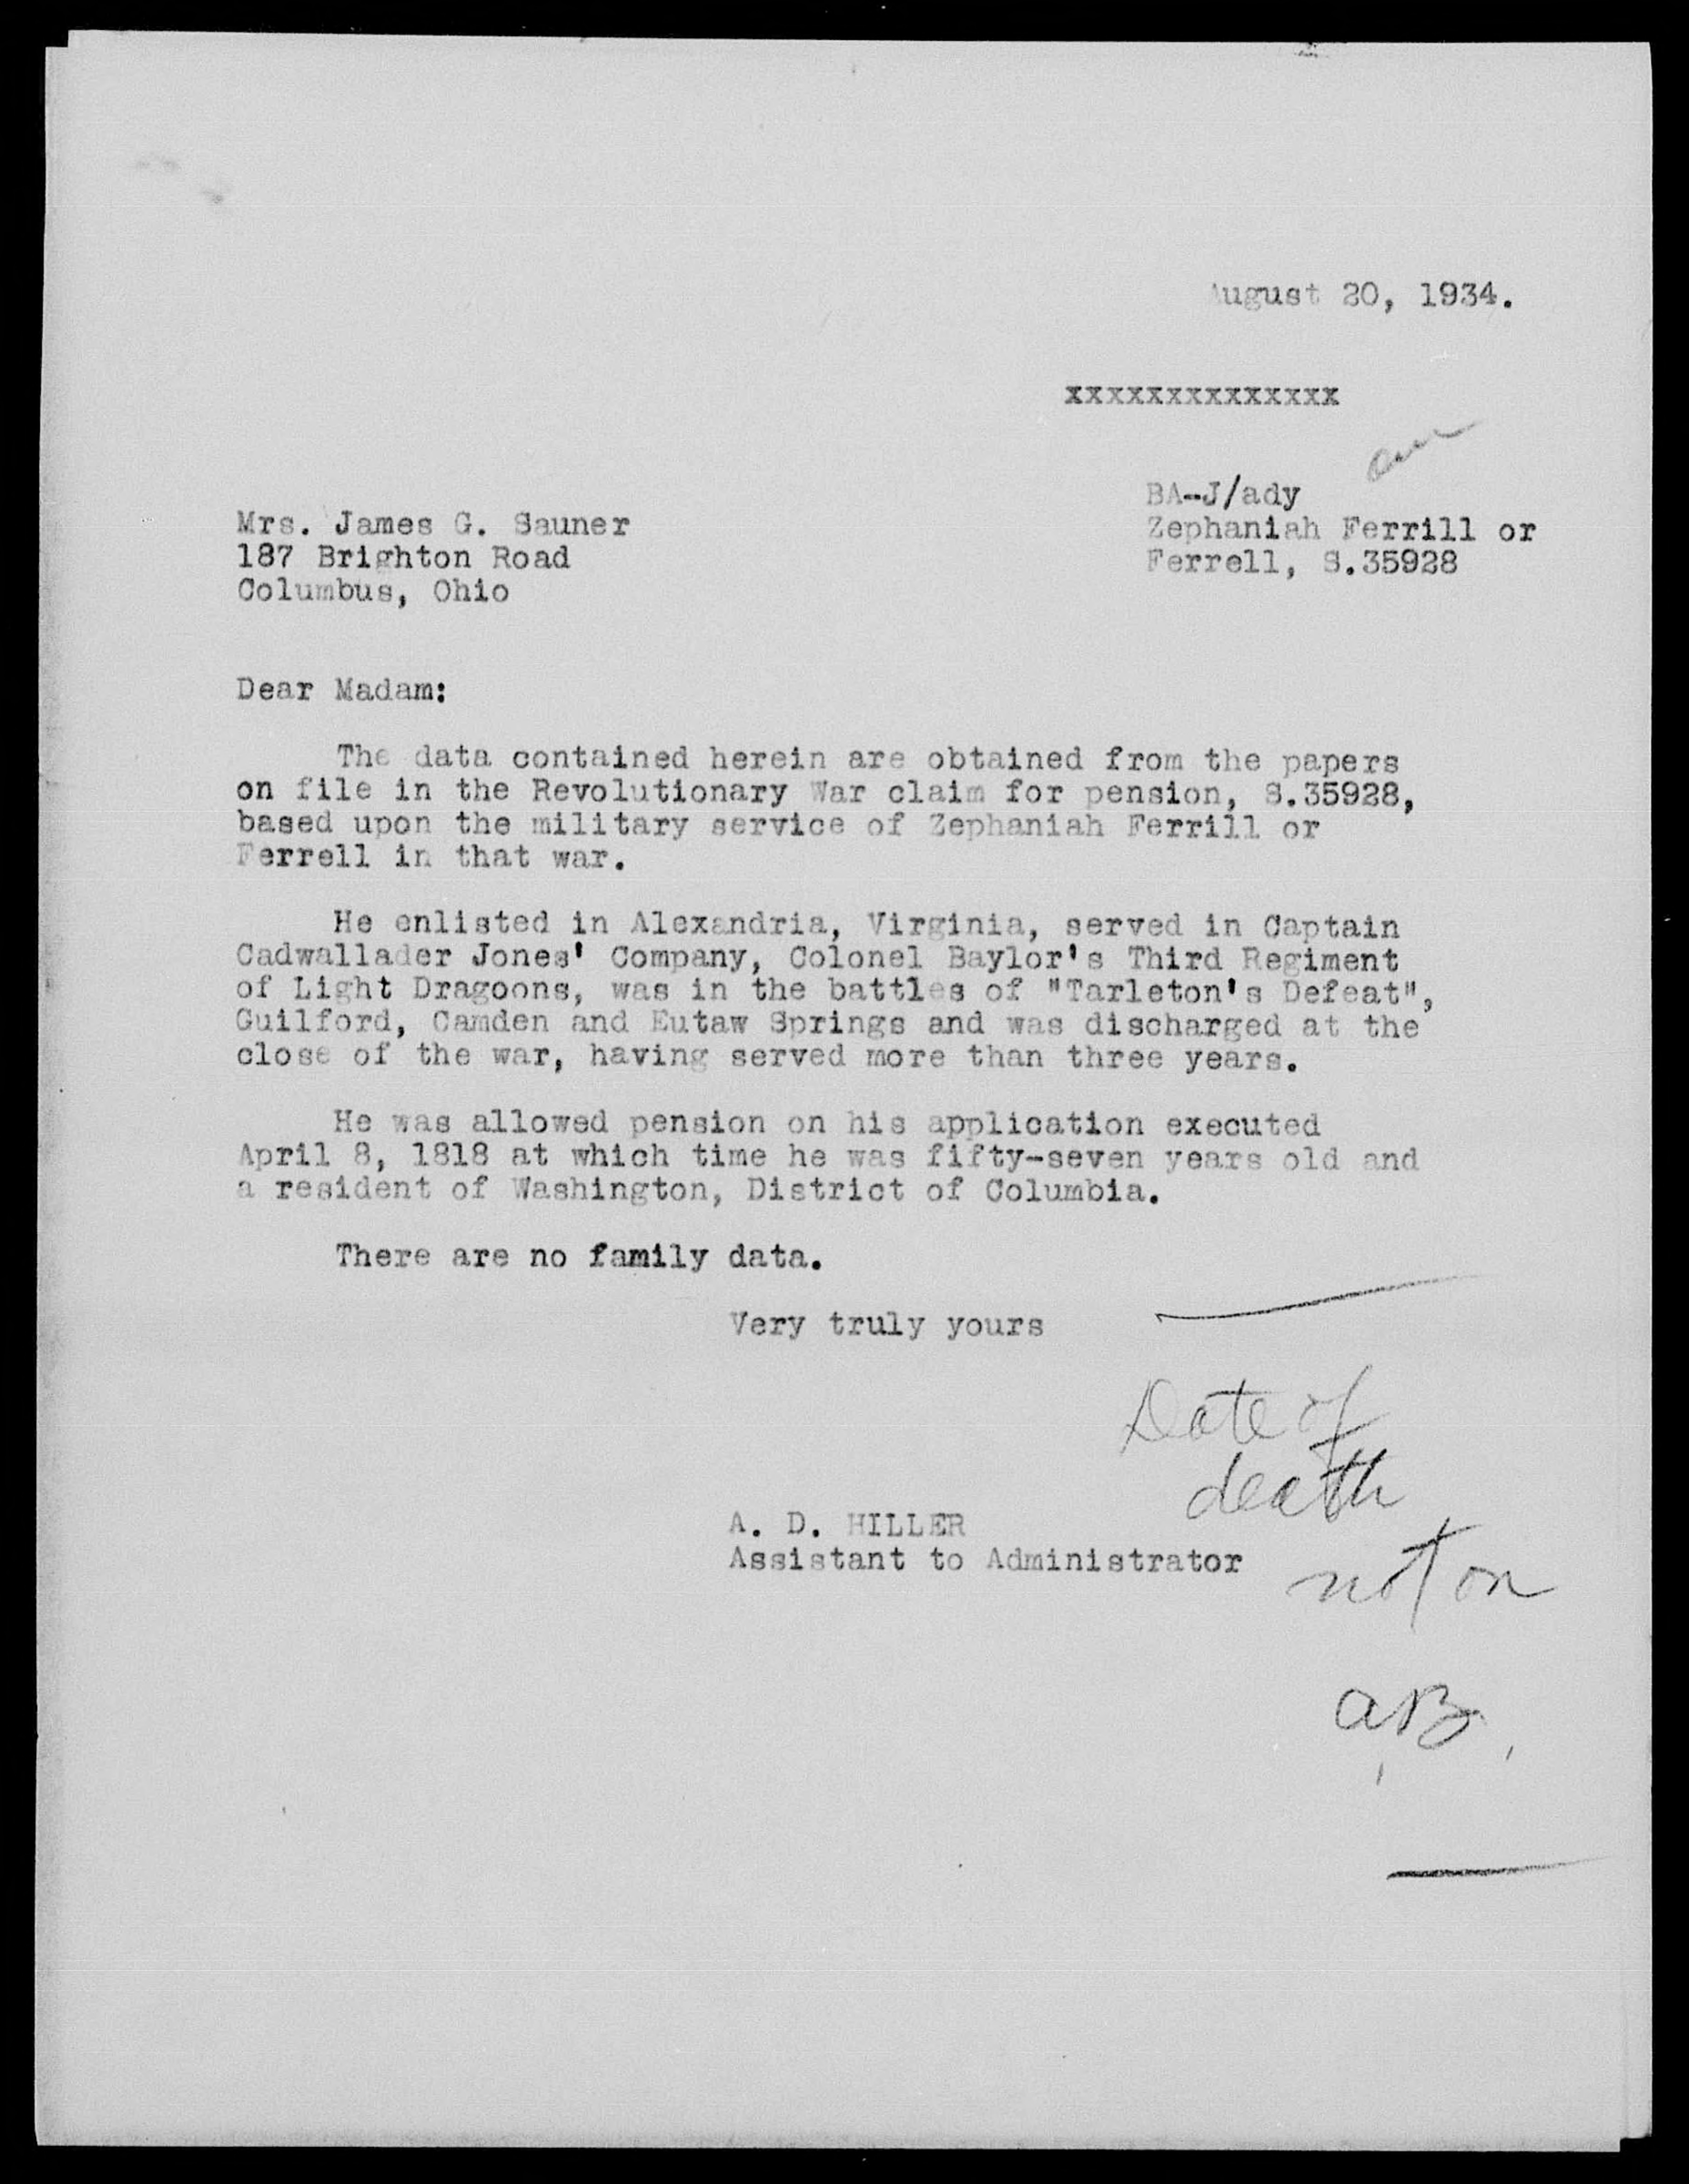[Typed]
August 20, 1934.

BA-J/ady
Zephaniah Ferrill or
Ferrell, S. 35928

Mrs. James G. Sauner
187 Brighton Road
Columbus, Ohio

Dear Madam:

The data contained herein are obtained from the papers on file in the Revolutionary War claim for pension, S. 35928, based upon the military service of Zephaniah Ferrill or Farrell in that war.

He enlisted in Alexandria, Virginia, served in Captain Cadwallader Jones' Company, Colonel Baylor's Third Regiment of Light Dragoons, was in the battles of "Tarleton's Defeat", Guilford, Camden and Eutaw Springs and was discharged at the close of the war, having served more than three years.

He was allowed pension on his application executed April 8, 1818 at which time he was fifty-seven years old and a resident of Washington, District of Columbia.

There are no family data.
Very truly yours
A. D. HILLER
Assistant to Administrator

[Handwritten note] 
Date of death not on [unintelligible]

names: James G Sauner, Zephaniah Ferrill, Zephaniah Ferrill, Zephaniah Ferrell, Zephaniah Ferrell, A D Hiller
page: 6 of 12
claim: survivor's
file: S. 35928, Zephaniah Ferrill, Cont. (Va)